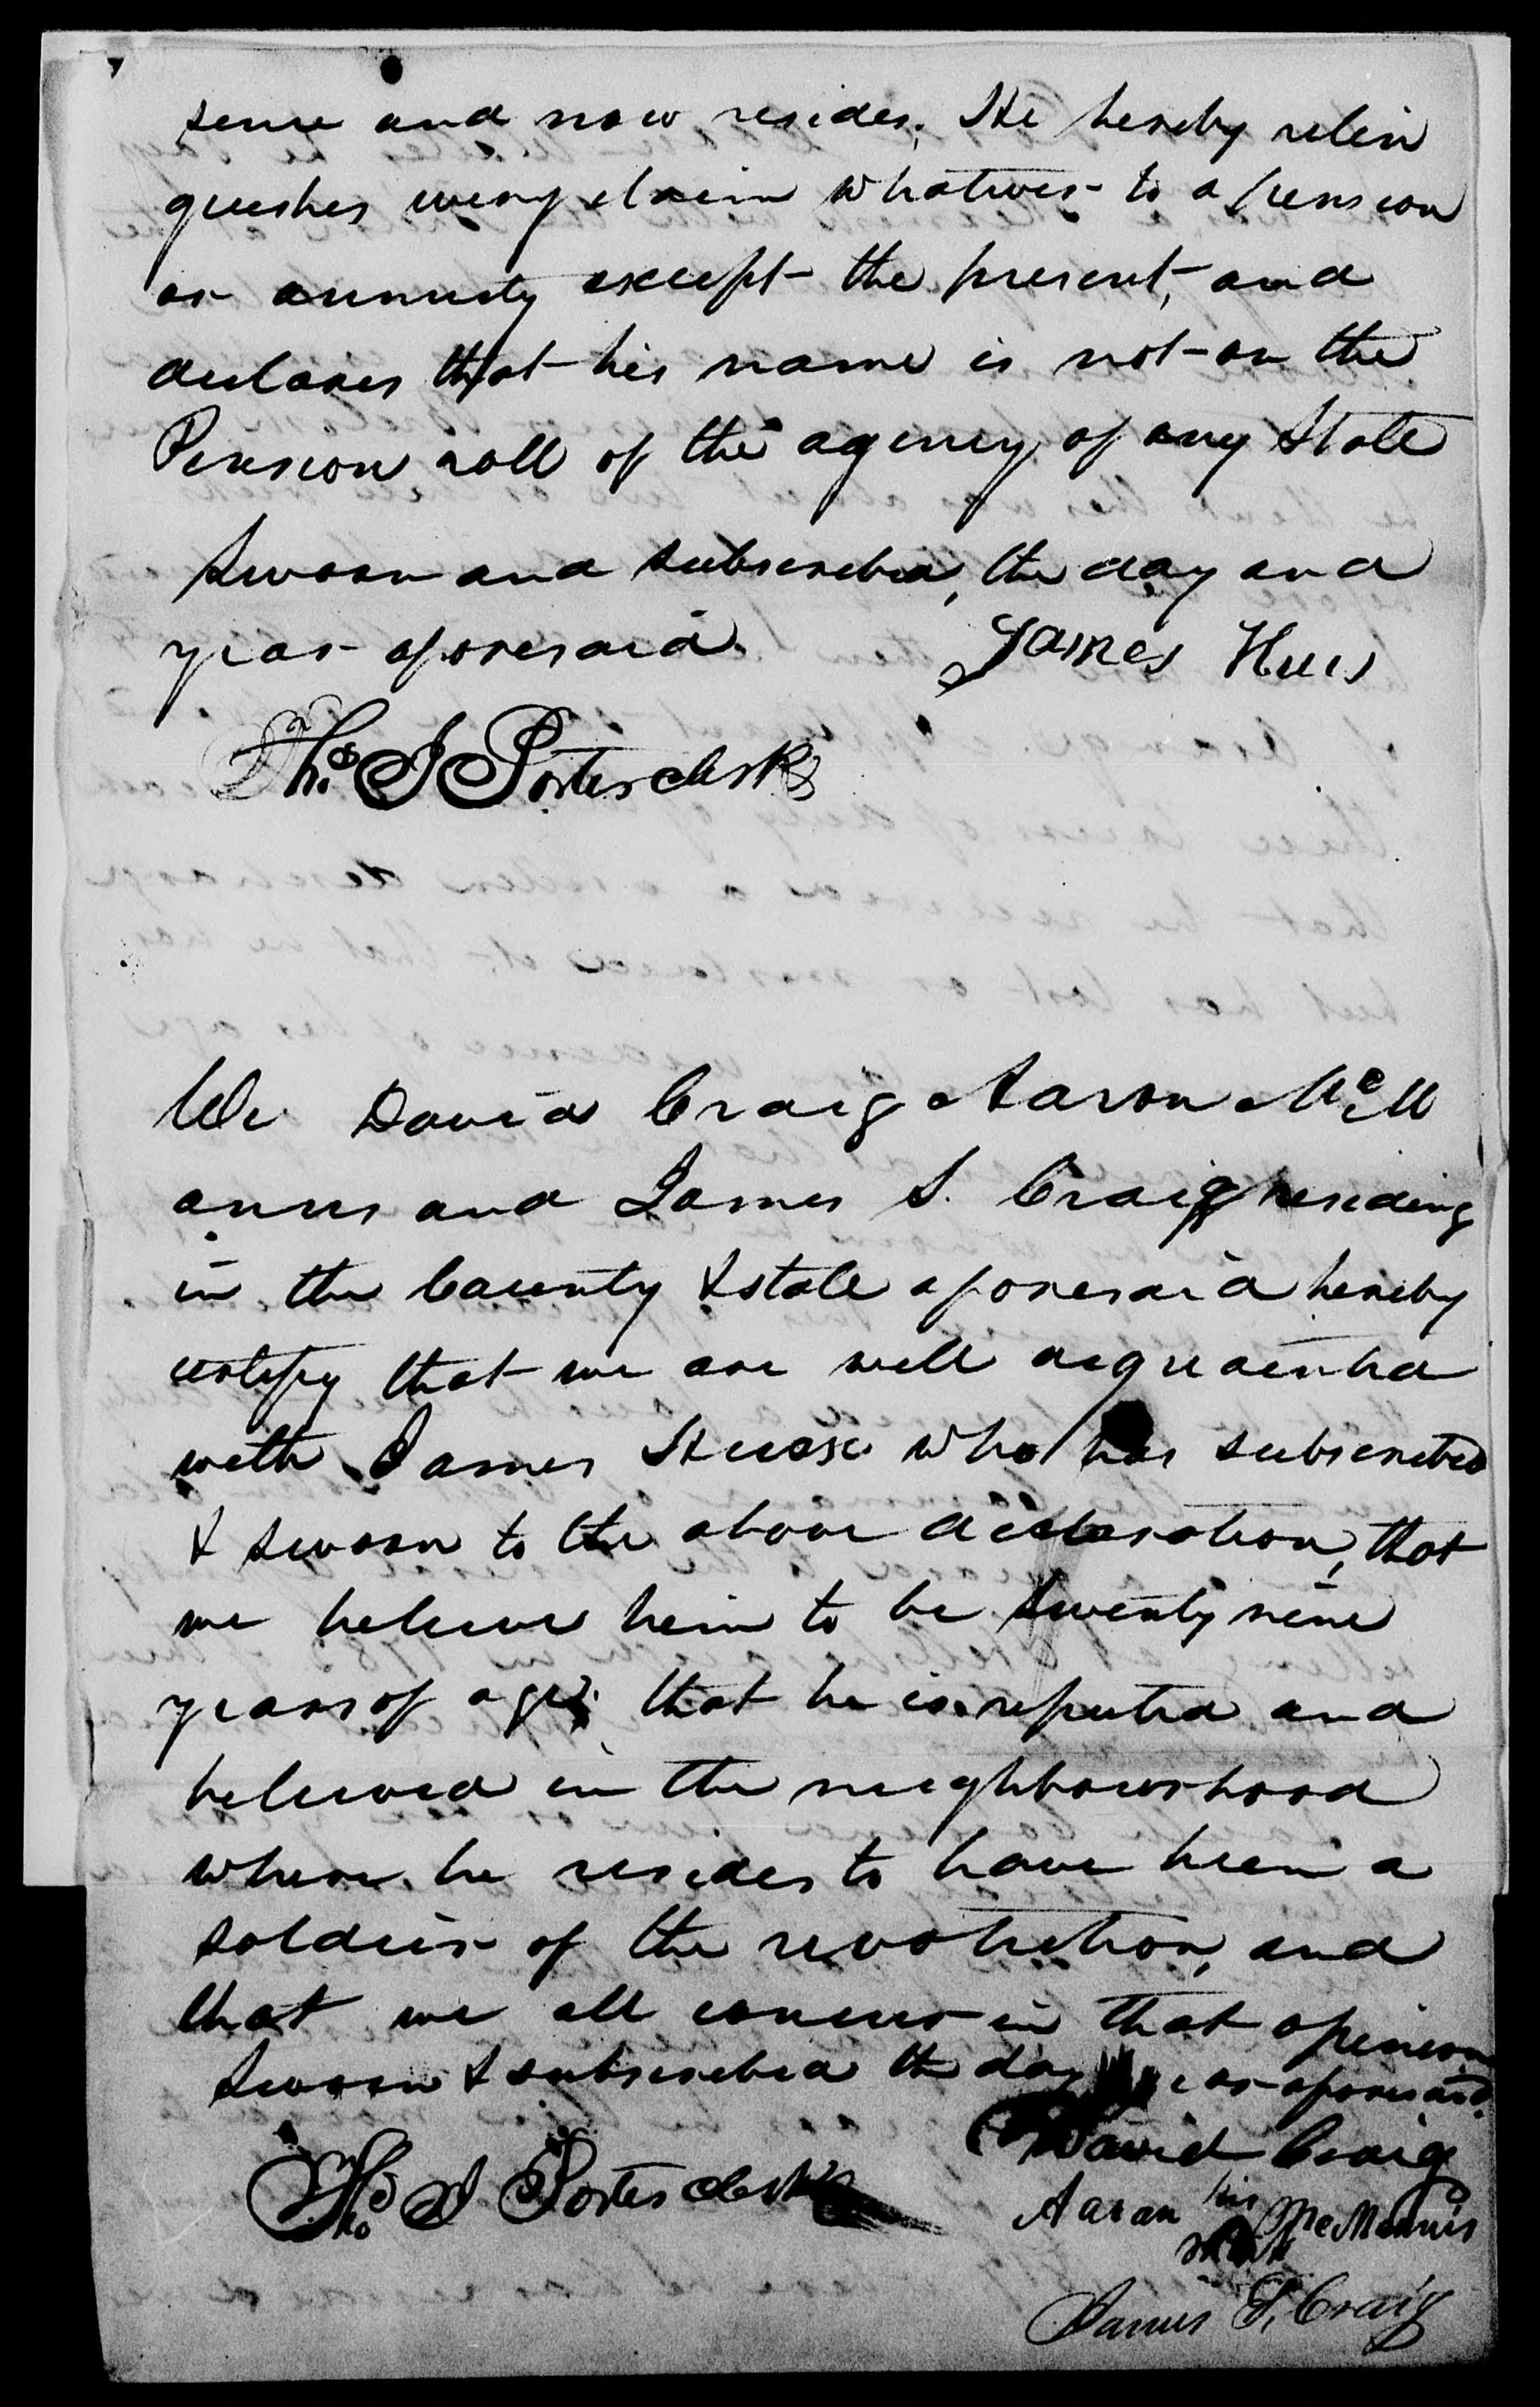since and now resides. He hereby relinquishes every claim whatever to a pension or amnesty except the present and declares that his name is not on the Pension roll of the agency of any State.

Sworn and subscribed the day and year aforesaid.
(signed) James Hues

(signed) Tho. J. Porter, clerk

We David Craig, Aaron McManus and James S. Craig residing in the County & state aforesaid hereby certify that we are well acquainted with James Hughes who has subscribed & sworn to the above declaration that we believe him to be seventy nine years of age that he is reputed and believed in the neighborhood where he resides to have been a soldier of the revolution and that we all concur in that opinion. Sworn & subscribed the day as aforesaid.

(signature) David Craig
(his mark) Aaron McManus
(signature) James S. Craig

(signature) Tho. J. Porter, clerk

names: Aaron Mc Manus, James S Craig, Thos J Porter, James Hues, David Craig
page: 20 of 24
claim: rejected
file: R. 5342, James Hues, N.C.